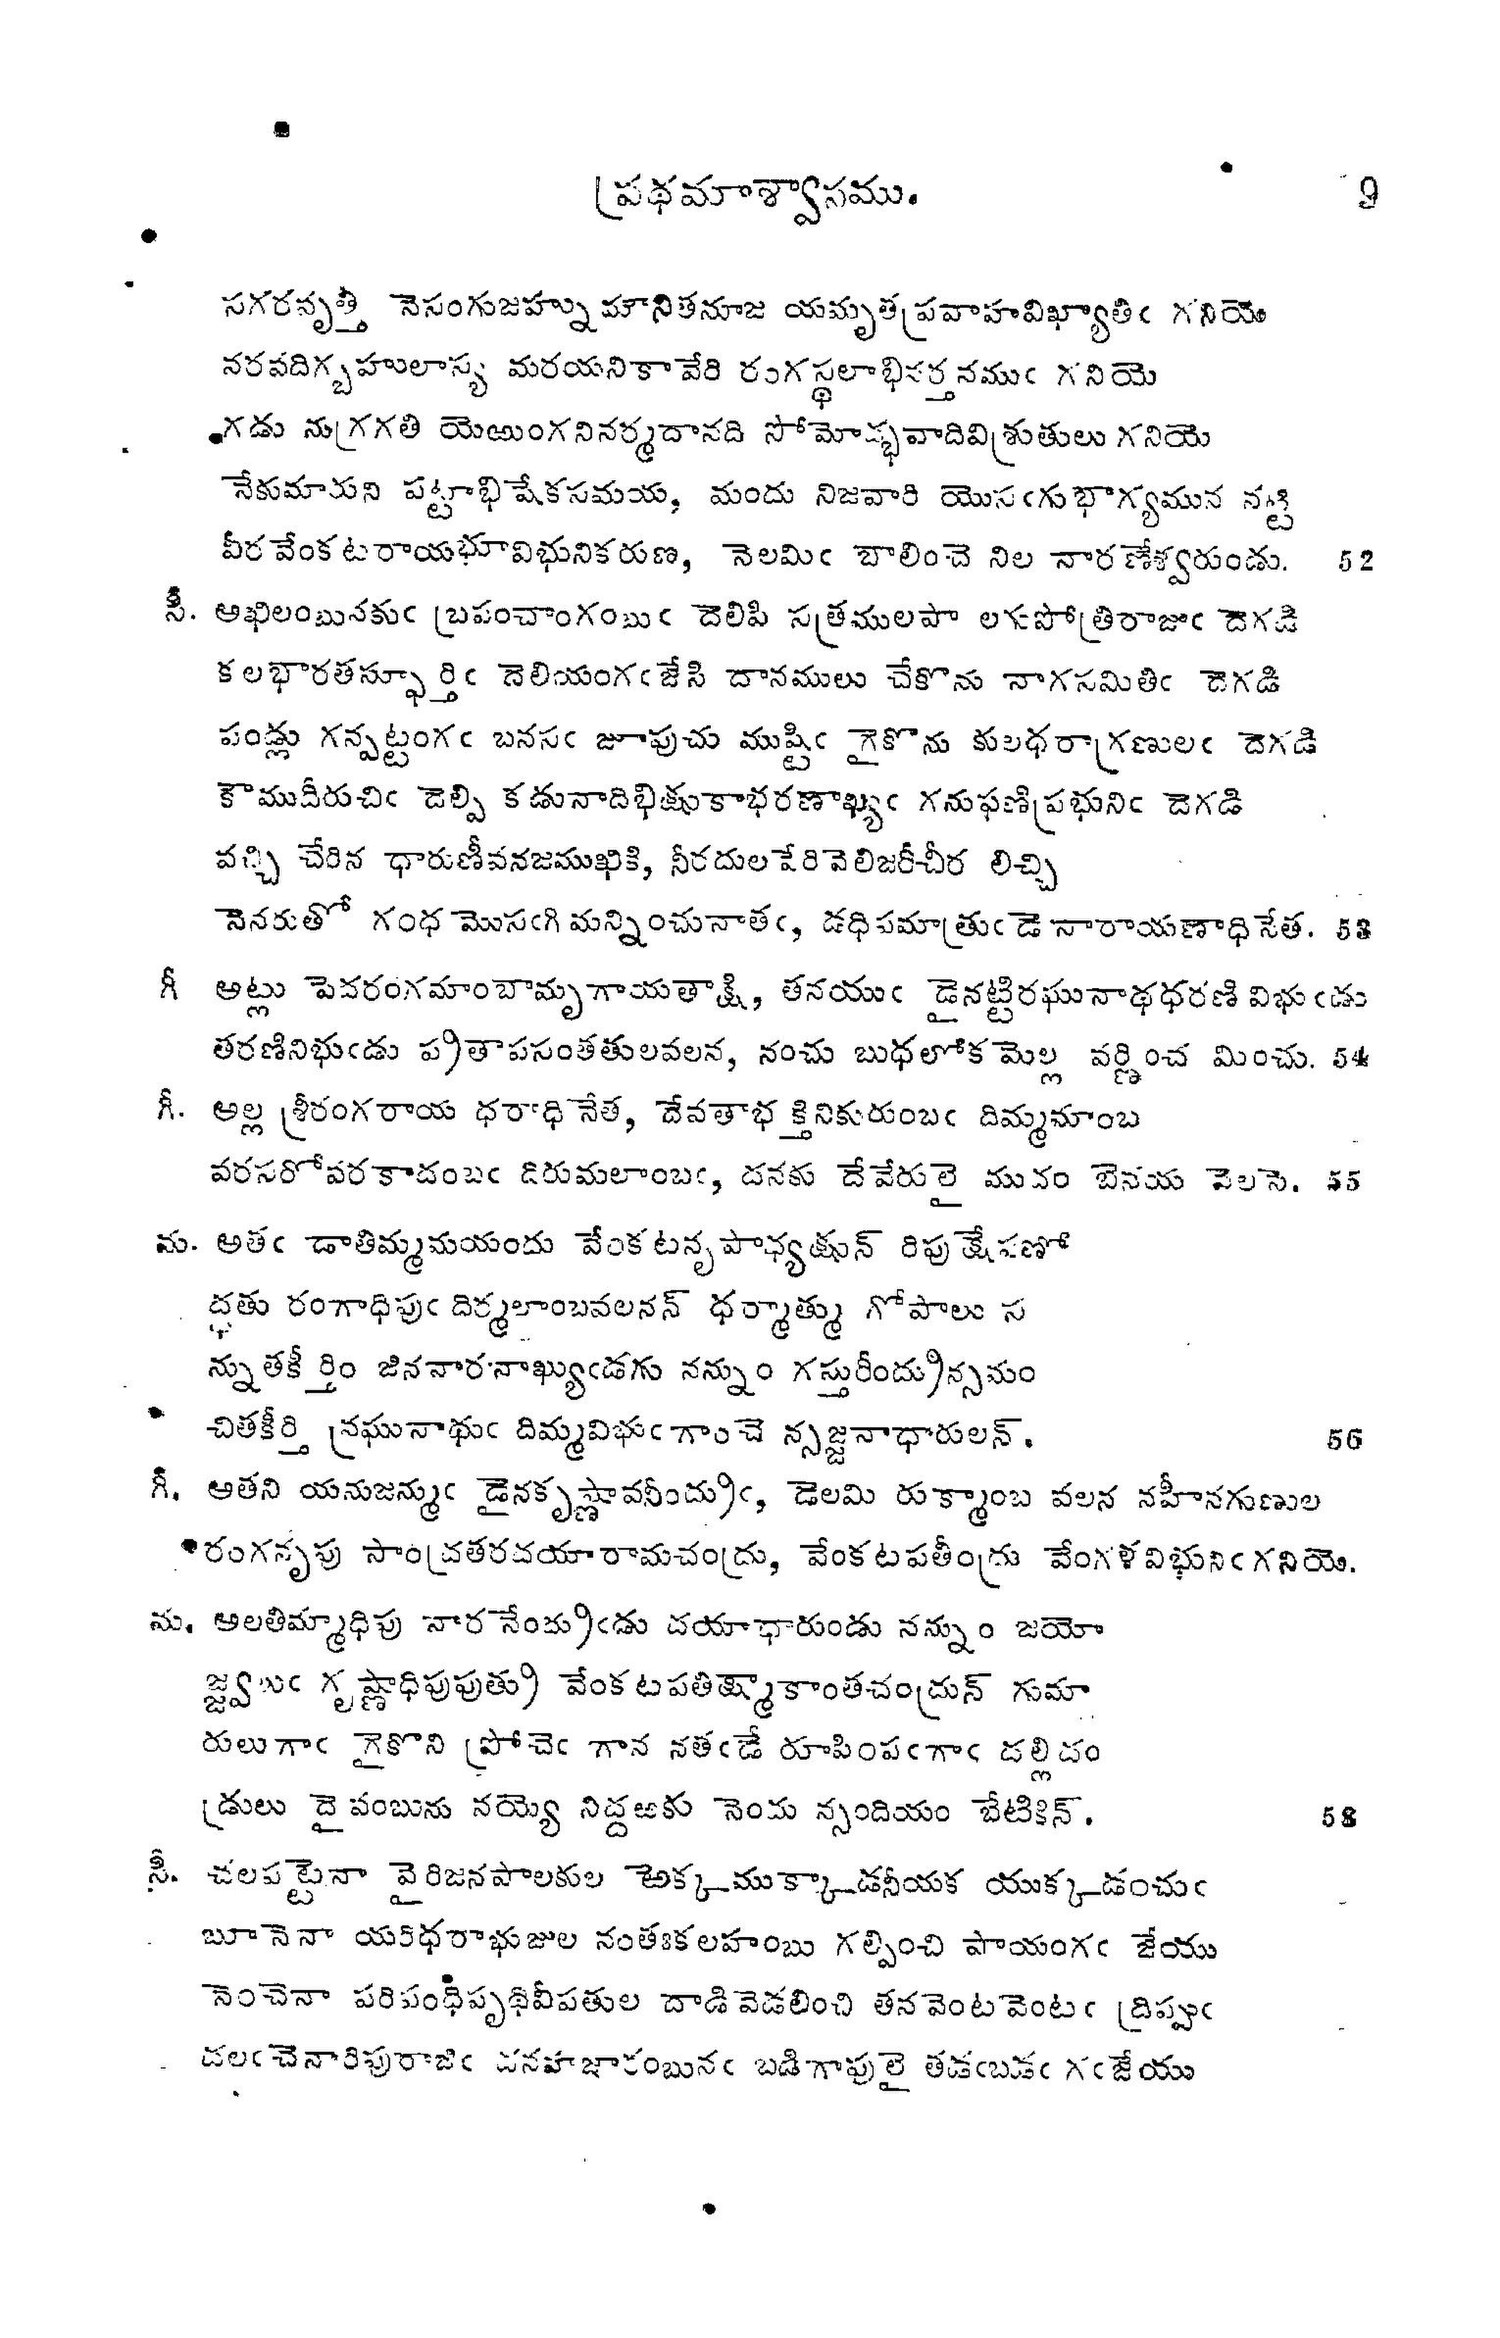సగరవృత్తి నెసంగుజహ్నుమౌనితనూజ యమృతప్రవాహవిఖ్యాతిఁ గనియె
నరవదిగ్బహులాస్య మరయని కావేరి రంగస్థలాభివర్తనముఁ గనియె
గడునుగ్రగతి యెఱుంగని నర్మదానది సోమోద్భవాదివిశ్రుతులుఁ గనియె
నేకుమారుని పట్టాభిషేకసమయ, మందు నిజవారి యొసఁగు భాగ్యమున నట్టి
వీరవేంకటరాయభూవిభునికరుణ, నెలమిఁ బాలించె నిల నారణేశ్వరుండు.
సీ. అఖిలంబునకుఁ బ్రపంచాంగంబుఁ దెలిపి సత్రములపా లగుపోత్రిరాజుఁ దెగడి
కలభారతస్ఫూర్తిఁ దెలియంగఁ జేసి దానములు చేకొను నాగసమితిఁ దెగడి
పండ్లు గన్పట్టంగఁ బనసఁ జూపుచు ముష్టిఁ గైకొను కులధరాగ్రణులఁ దెగడి
కౌముదీరుచిఁ దెల్పి కడునాదిభిక్షుకాభరణాఖ్యఁ గనుఫణిప్రభునిఁ దెగడి
వచ్చి చేరిన ధారుణీవనజముఖికి, నీరదులపేరి వెలిజరీచీర లిచ్చి
నెనరుతో గంధ మొసఁగి మన్నించునాతఁ, డధిపమాత్రుఁడె నారాయణాధినేత.
గీ. అట్లు పెదరంగమాంబామృగాయతాక్షి, తనయుఁ డైనట్టి రఘునాథధరణివిభుఁడు
తరణినిభుఁడు ప్రతాపసంతతులవలన, నంచు బుధలోకమెల్ల వర్ణించ మించు.
గీ. అల్ల శ్రీరంగరాయ ధరాధినేత, దేవతాభక్తి నికురుంబఁ దిమ్మమాంబ
వరసరోవర కాదంబఁ దిరుమలాంబఁ, దనకు దేవేరులై ముదం బెనయ వెలసె.
మ. అతఁ డాతిమ్మమయందు వేంకటనృపాధ్యక్షున్ రిపుక్షేషణో
ద్ధతు రంగాధిపుఁ దిర్మలాంబవలనన్ ధర్మాత్ము గోపాలు స
న్నుతకీర్తిం జిననారనాఖ్యుఁడగు నన్నుం గస్తురీంద్రు న్సమం
చితకీర్తి న్రఘునాథుఁ దిమ్మవిభుఁ గాంచె న్సజ్జనాధారులన్.
గీ. అతని యనుజన్ముఁ డైనకృష్ణావనీంద్రుఁ, డెలమి రుక్మాంబవలన నహీనగుణుల
రంగనృపు సాంద్రతరదయారామచంద్రు, వేంకటపతీంద్రు వేంగళవిభునిఁ గనియె.
మ. అలతిమ్మాధిపు నారనేంద్రుఁడు దయాధారుండు నన్నుం జయో
జ్వలుఁ గృష్ణాధిపుపుత్రు వేంకటపతిక్ష్మాకాంతచంద్రున్ గుమా
రులుగాఁ గైకొని ప్రోచెఁ గాన నతఁడే రూపింపఁగాఁ దల్లిదం
డ్రులు దైవంబును నయ్యె నిద్దఱకు నెంచు న్సందియం బేటికిన్.
సీ. చలపట్టెనా వైరిజనపాలకుల ఱెక్కముక్కాడనీయక యుక్కడంచుఁ
బూనెనా యరిధరాభుజుల నంతఃకలహంబు గల్పించి పాయంగఁ జేయు
నెంచెనా పరిపంథిపృథివీపతుల దాడి వెడలించి తన వెంట వెంటఁ ద్రిప్పుఁ
దలఁచెనా రిపురాజిఁ దనహజారంబునఁ బడిగాపులై తడఁబడఁగఁ జేయు
.